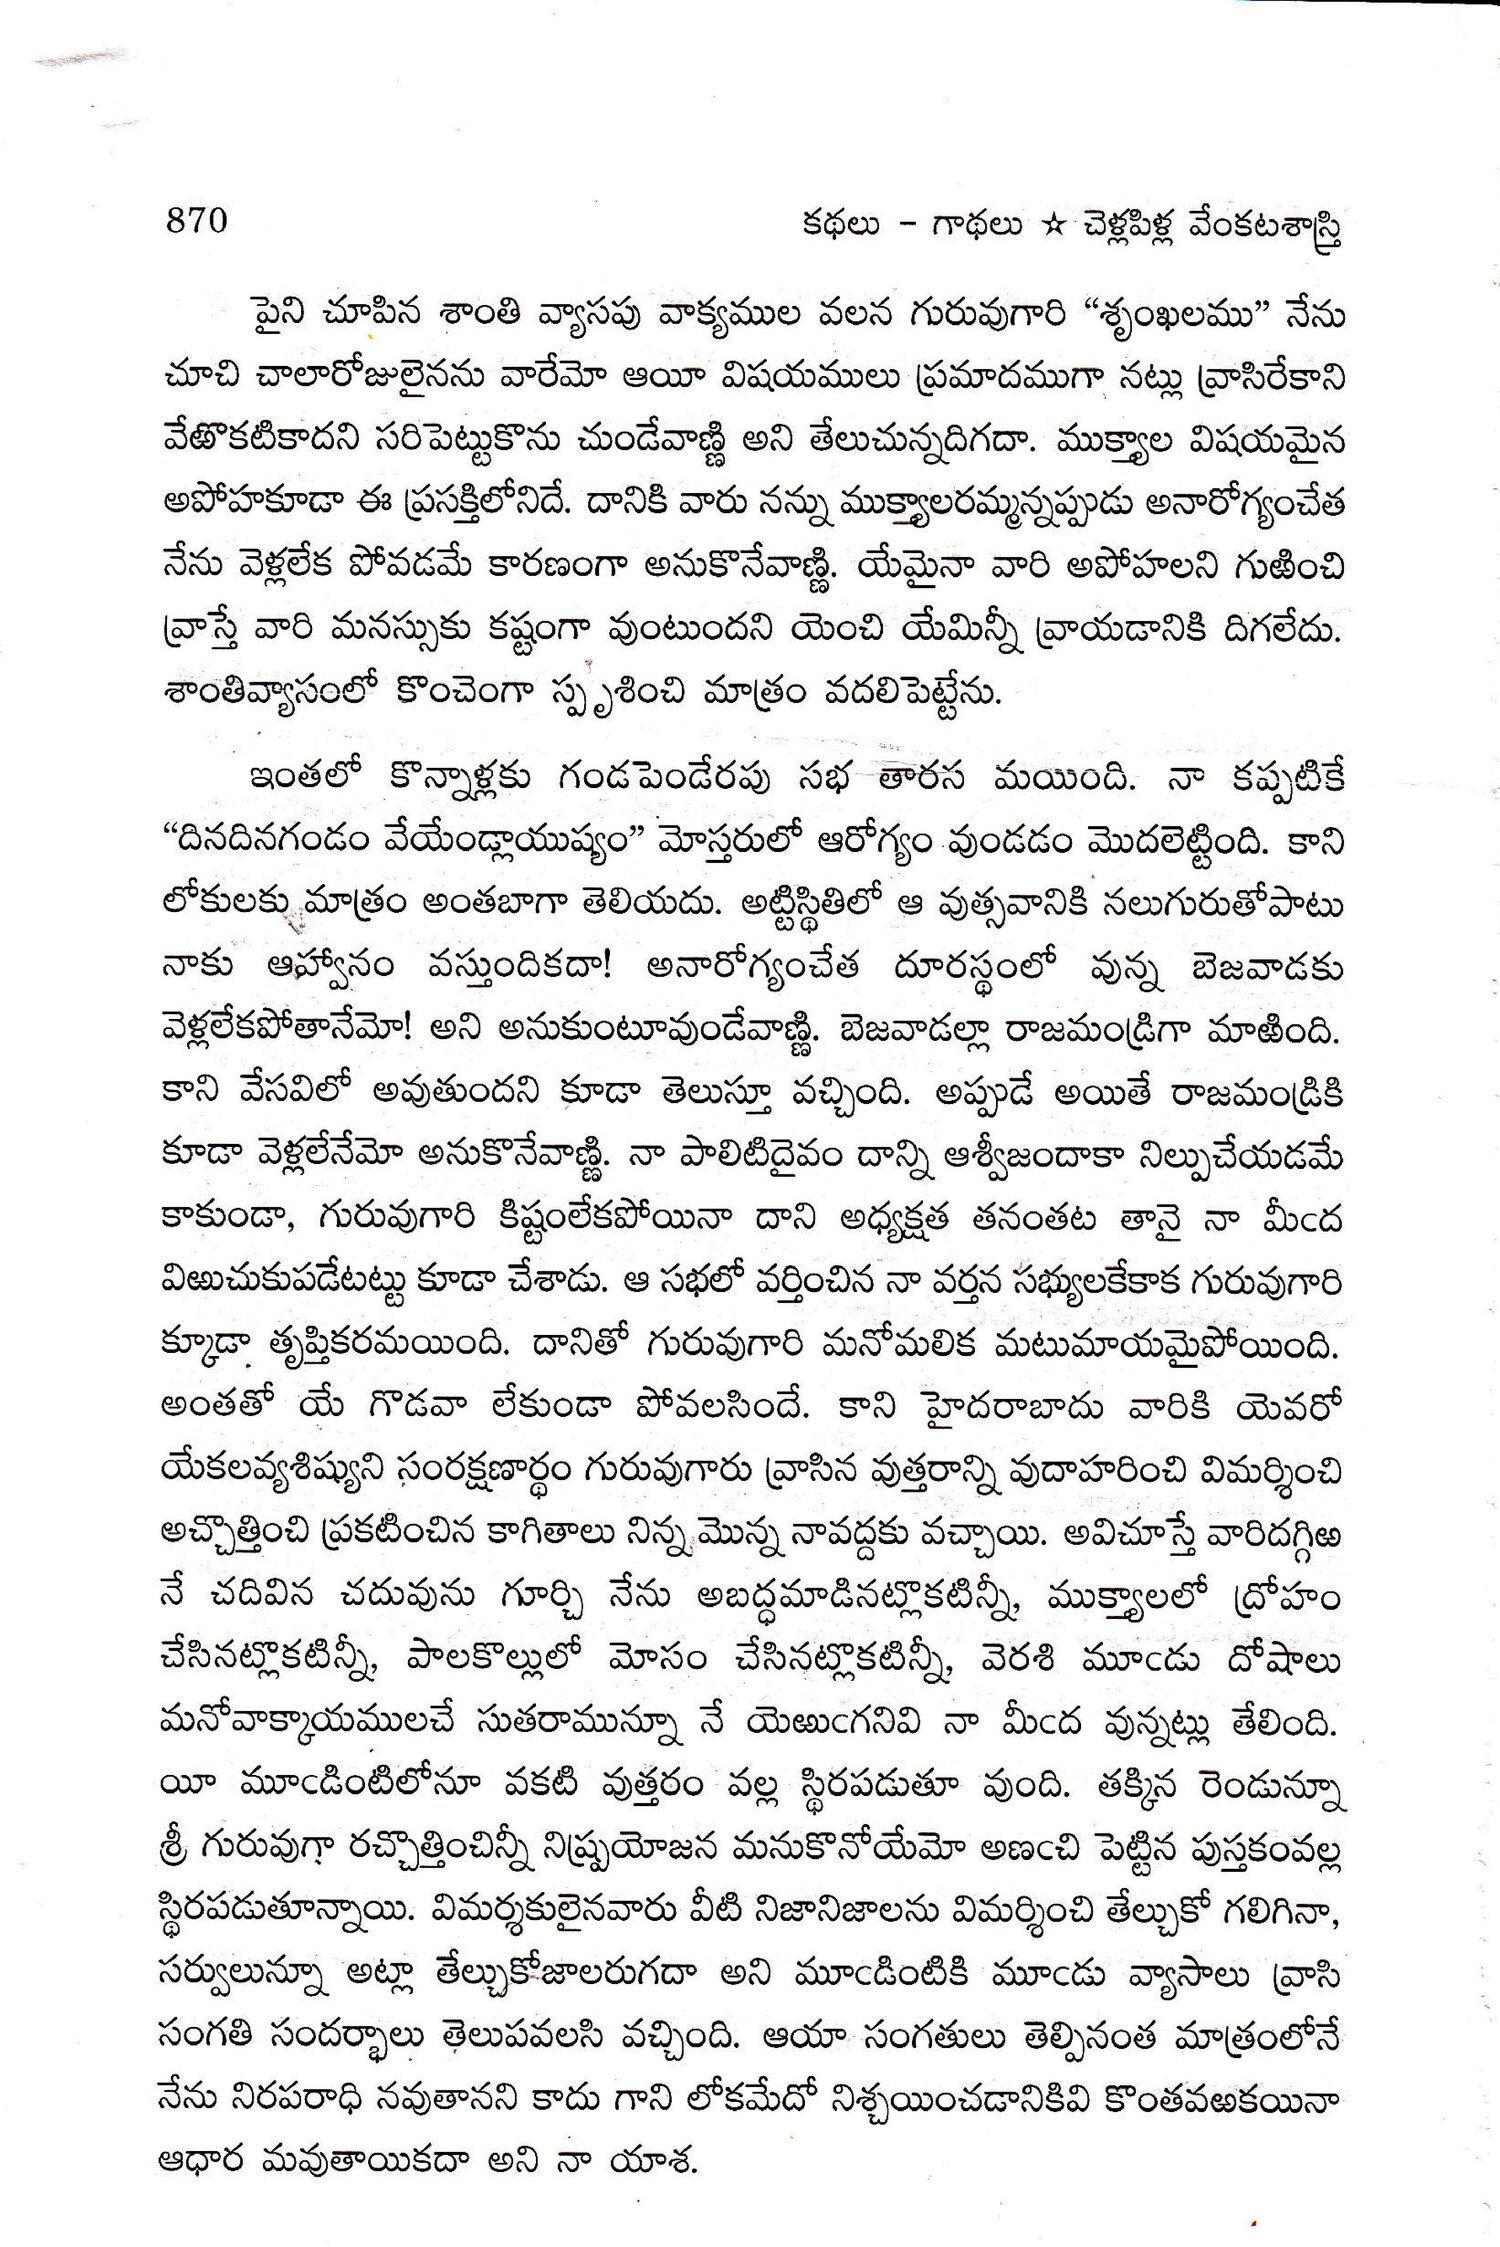పైని చూపిన శాంతి వ్యాసపు వాక్యముల వలన గురువుగారి "శృంఖలము" నేను చూచి చాలారోజులైనను వారేమో ఆయీ విషయములు ప్రమాదముగా నట్లు వ్రాసిరేకాని వేఱొకటికాదని సరిపెట్టుకొను చుండేవాణ్ణి అని తేలుచున్నదిగదా. ముక్త్యాల విషయమైన అపోహకూడా ఈ ప్రసక్తిలోనిదే. దానికి వారు నన్ను ముక్త్యాలరమ్మన్నప్పుడు అనారోగ్యంచేత నేను వెళ్లలేక పోవడమే కారణంగా అనుకొనేవాణ్ణి. యేమైనా వారి అపోహలని గుఱించి వ్రాస్తే వారి మనస్సుకు కష్టంగా వుంటుందని యెంచి యేమిన్నీ వ్రాయడానికి దిగలేదు. శాంతివ్యాసంలో కొంచెంగా స్పృశించి మాత్రం వదలిపెట్టేను.

ఇంతలో కొన్నాళ్లకు గండపెండేరపు సభ తారస మయింది. నా కప్పటికే “దినదినగండం వేయేండ్లాయుష్యం" మోస్తరులో ఆరోగ్యం వుండడం మొదలెట్టింది. కాని లోకులకు మాత్రం అంతబాగా తెలియదు. అట్టిస్థితిలో ఆ వుత్సవానికి నలుగురుతోపాటు నాకు ఆహ్వానం వస్తుందికదా! అనారోగ్యంచేత దూరస్థంలో వున్న బెజవాడకు వెళ్లలేకపోతానేమో! అని అనుకుంటూవుండేవాణ్ణి. బెజవాడల్లా రాజమండ్రిగా మాఱింది. కాని వేసవిలో అవుతుందని కూడా తెలుస్తూ వచ్చింది. అప్పుడే అయితే రాజమండ్రికి కూడా వెళ్లలేనేమో అనుకొనేవాణ్ణి. నా పాలిటిదైవం దాన్ని ఆశ్వీజందాకా నిల్పుచేయడమే కాకుండా, గురువుగారి కిష్టంలేకపోయినా దాని అధ్యక్షత తనంతట తానై నా మీఁద విఱుచుకుపడేటట్టు కూడా చేశాడు. ఆ సభలో వర్తించిన నా వర్తన సభ్యులకేకాక గురువుగారి క్కూడా తృప్తికరమయింది. దానితో గురువుగారి మనోమలిక మటుమాయమైపోయింది. అంతతో యే గొడవా లేకుండా పోవలసిందే. కాని హైదరాబాదు వారికి యెవరో యేకలవ్యశిష్యుని సంరక్షణార్ధం గురువుగారు వ్రాసిన వుత్తరాన్ని వుదాహరించి విమర్శించి అచ్చొత్తించి ప్రకటించిన కాగితాలు నిన్నమొన్న నావద్దకు వచ్చాయి. అవిచూస్తే వారిదగ్గిఱ నే చదివిన చదువును గూర్చి నేను అబద్ధమాడినట్లొకటిన్నీ ముక్త్యాలలో ద్రోహం చేసినట్లొకటిన్నీ పాలకొల్లులో మోసం చేసినట్లొకటిన్నీ వెరశి మూఁడు దోషాలు మనోవాక్కాయములచే సుతరామున్నూ నే యెఱుఁగనివి నా మీఁద వున్నట్లు తేలింది. యీ మూఁడింటిలోనూ వకటి వుత్తరం వల్ల స్థిరపడుతూ వుంది. తక్కిన రెండున్నూ శ్రీ గురువుగా రచ్చొత్తించిన్నీ నిప్ర్పయోజన మనుకొనోయేమో అణఁచి పెట్టిన పుస్తకంవల్ల స్థిరపడుతూన్నాయి. విమర్శకులైనవారు వీటి నిజానిజాలను విమర్శించి తేల్చుకో గలిగినా, సర్వులున్నూ అట్లా తేల్చుకోజాలరుగదా అని మూఁడింటికి మూఁడు వ్యాసాలు వ్రాసి సంగతి సందర్భాలు తెలుపవలసి వచ్చింది. ఆయా సంగతులు తెల్పినంత మాత్రంలోనే నేను నిరపరాధి నవుతానని కాదు గాని లోకమేదో నిశ్చయించడానికివి కొంతవఱకయినా ఆధార మవుతాయికదా అని నా యాశ.